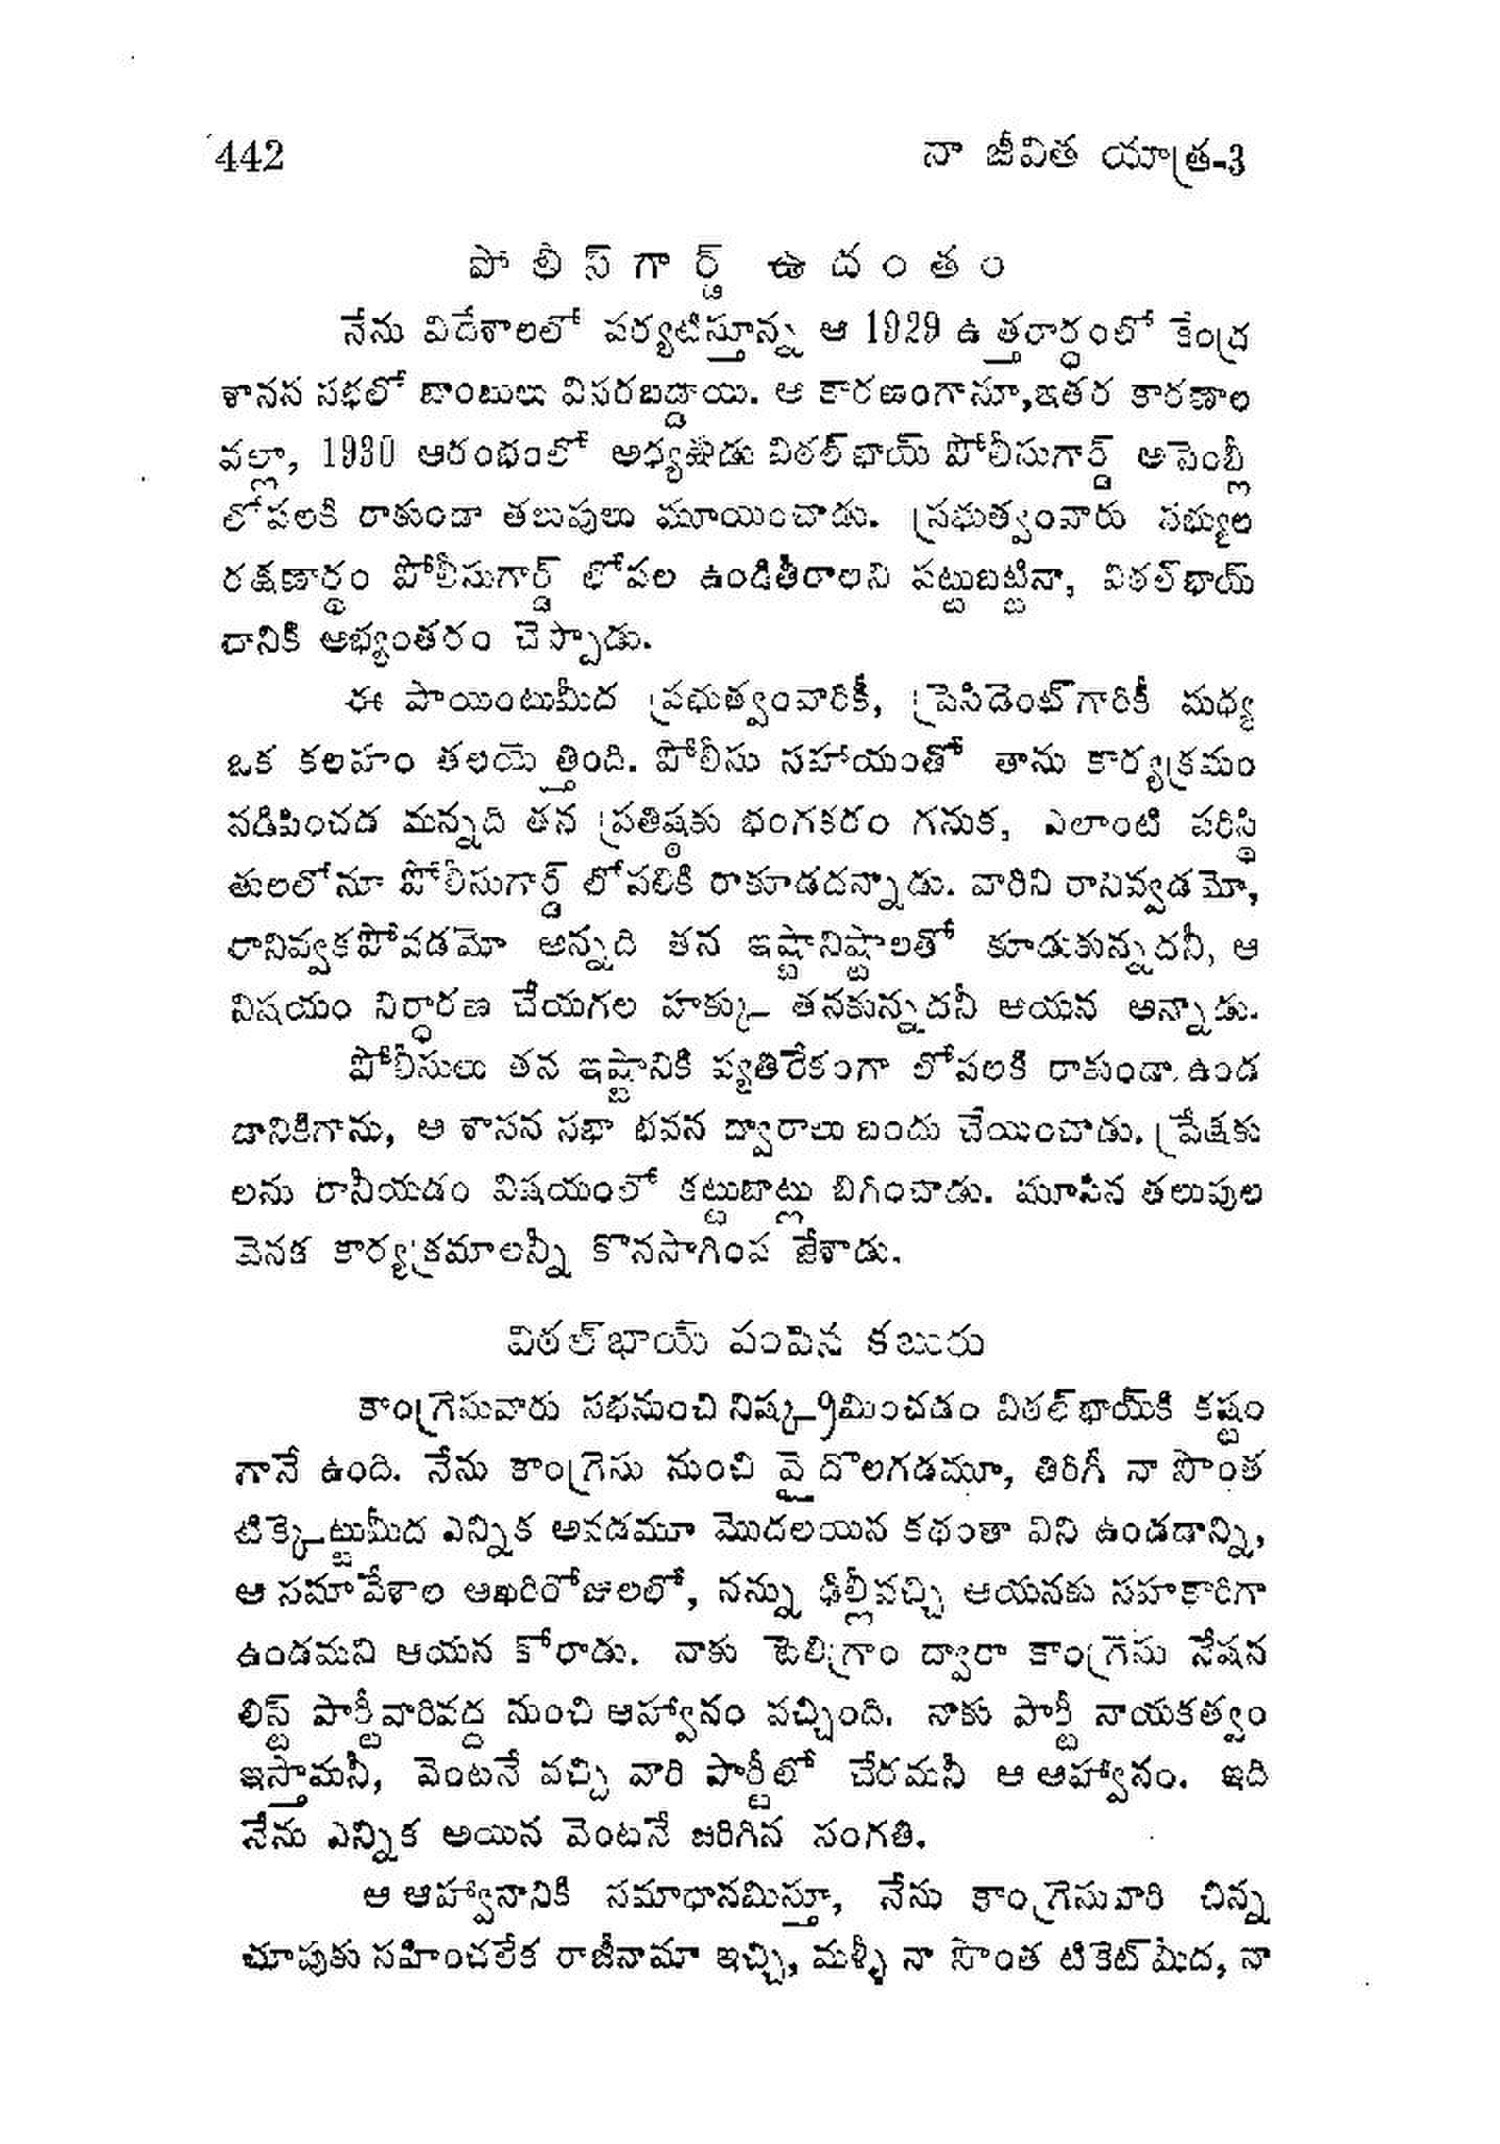నేను విదేశాలలో పర్యటిస్తూన్న ఆ 1929 ఉత్తరార్ధంలో కేంద్ర శాసన సభలో బాంబులు విసరబడ్డాయి. అ కారణంగానూ, ఇతర కారణాలవల్లా, 1930 ఆరంభంలో అధ్యక్షుడు విఠల్‌భాయ్ పోలీసుగార్డ్ అసెంబ్లీలోపలికి రాకుండా తలుపులు మూయించాడు, ప్రభుత్వంవారు సభ్యుల రక్షణార్థం పోలీసుగార్డ్ లోపల ఉండితీరాలని పట్టుబట్టినా, విఠల్‌భాయ్ దానికి అభ్యంతరం చెప్పాడు.

ఈ పాయింటుమీద ప్రభుత్వంవారికీ, ప్రెసిడెంట్‌గారికీ మధ్య ఒక కలహం తలయెత్తింది. పోలీసు సహాయంతో తాను కార్యక్రమం నడిపించడ మన్నది తన ప్రతిష్ఠకు భంగకరం గనుక, ఎలాంటి పరిస్థితులలోనూ పోలీసుగార్డ్ లోపలికి రాకూడదన్నాడు. వారిని రానివ్వడమో, రానివ్వకపోవడమో అన్నది తన ఇష్టానిష్టాలతో కూడుకున్నదనీ, ఆ విషయం నిర్ధారణ చేయగల హక్కు తనకున్నదనీ ఆయన అన్నాడు.

పోలీసులు తన ఇష్టానికి వ్యతిరేకంగా లోపలికి రాకుండా ఉండడానికిగాను, అ శాసన సభా భవన ద్వారాలు బందు చేయించాడు. ప్రేక్షకులను రానీయడం విషయంలో కట్టుబాట్లు బిగించాడు. మూసిన తలుపుల వెనక కార్యక్రమాలన్నీ కొనసాగింప జేశాడు.

కాంగ్రెసువారు సభనుంచి నిష్క్రమించడం విఠల్‌భాయ్‌కి కష్టంగానే ఉంది. నేను కాంగ్రెసు నుంచి వై దొలగడమూ, తిరిగీ నా సొంత టిక్కెట్టుమీద ఎన్నిక అవడమూ మొదలయిన కథంతా విని ఉండడాన్ని, ఆ సమావేశాల ఆఖరిరోజులలో, నన్ను ఢిల్లీవచ్చి ఆయనకు సహకారిగా ఉండమని ఆయన కోరాడు. నాకు టెలిగ్రాం ద్వారా కాంగ్రెసు నేషనలిస్ట్ పార్టీవారివద్ద నుంచి ఆహ్వానం వచ్చింది. నాకు పార్టీ నాయకత్వం ఇస్తామనీ, వెంటనే వచ్చి వారి పార్టీలో చేరమనీ ఆ ఆహ్వానం. ఇది నేను ఎన్నిక అయిన వెంటనే జరిగిన సంగతి.

అ ఆహ్వానానికి సమాధానమిస్తూ, నేను కాంగ్రెసువారి చిన్న చూపుకు సహించలేక రాజీనామా ఇచ్చి, మళ్ళీ నా సొంత టికెట్‌మీద, నా